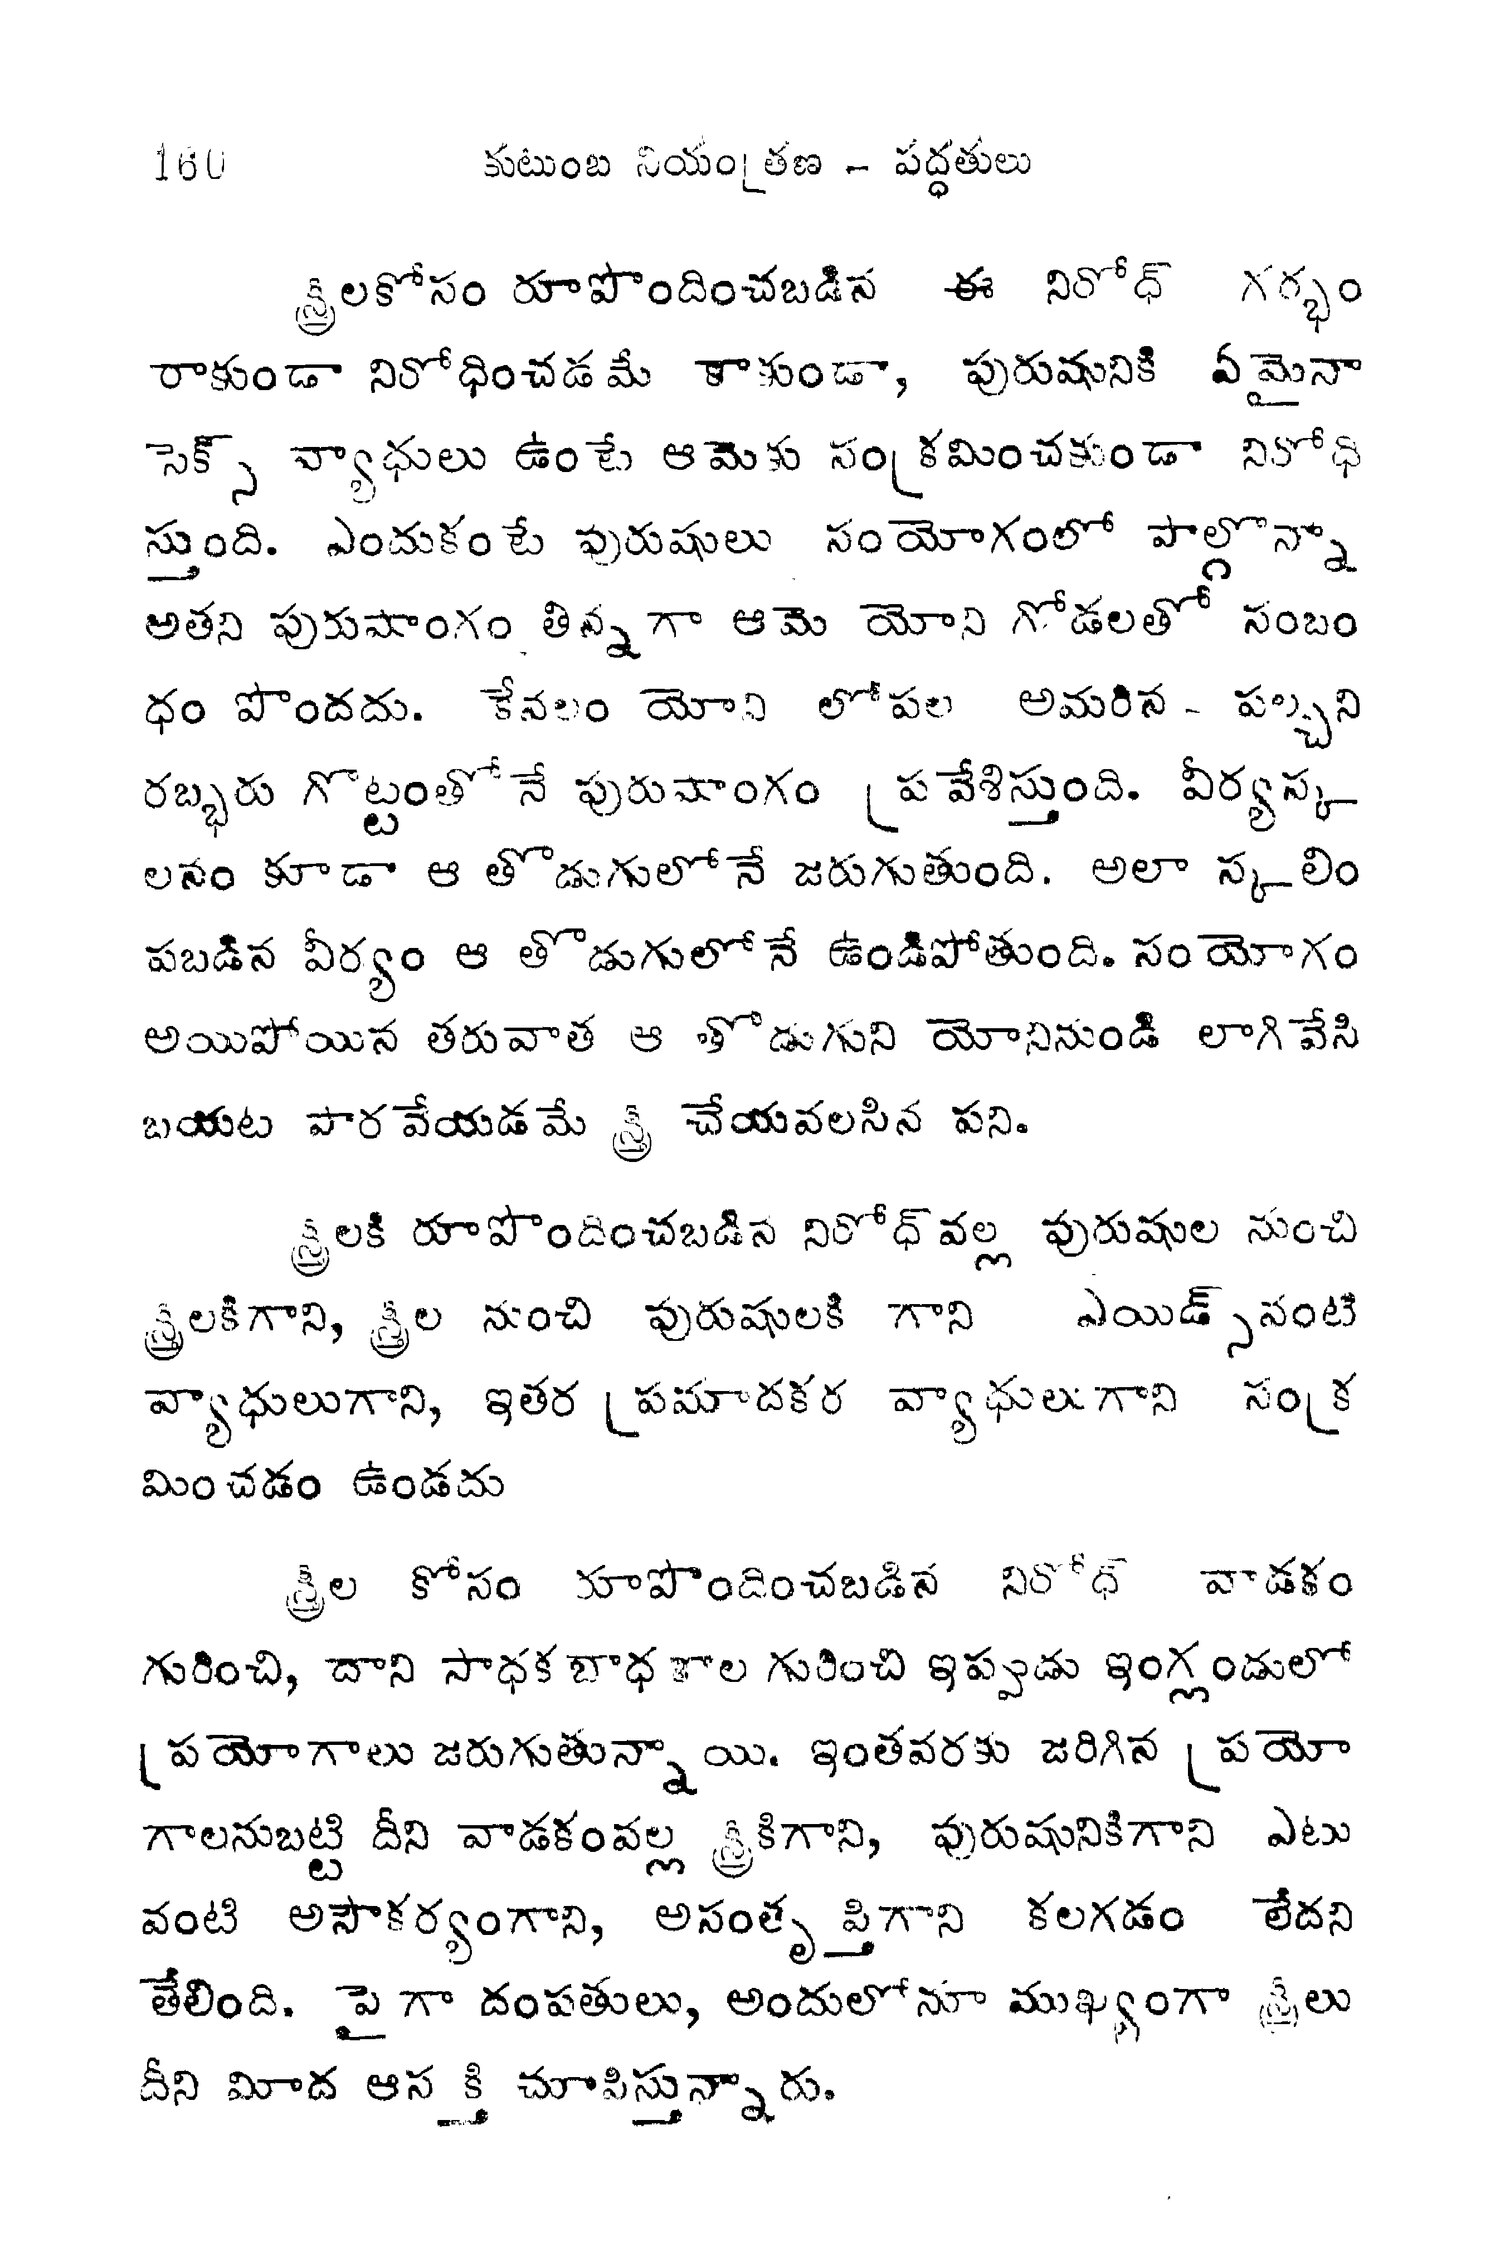స్త్రీలకోసం రూపొందించబడిన ఈ నిరోధ్ గర్భం రాకుండా నిరోధించడమే కాకుండా, పురుషునికి ఏమైనా సెక్స్ వ్యాధులు ఉంటే ఆమెకు సంక్రమించకుండా నిరోధిస్తుంది. ఎందుకంటే పురుషులు సంయోగంలో పాల్గొన్నా అతని పురుషాంగం తిన్నగా ఆమె యోని గోడలతో సంబంధం పొందదు. కేవలం యోని లోపల అమరిన పల్చని రబ్బరు గొట్టంతోనే ఉరుషాంగం ప్రవేశిస్తుంది. వీర్యస్కలనం కూడా ఆ తొడుగులోనే జరుగుతుంది. అలా స్కలింపబడిన వీర్యం ఆ తొడుగులోనే ఉండిపోతుంది. సంయోగం అయిపోయిన తరువాత ఆ తోడుగుని యోనినుండి లాగివేసి బయట పారవేయడమే స్త్రీ చేయవలసిన పని.

స్త్రీలకి రూపొదించబడిన విరోధ్‌వల్ల పురుషుల నుంచి స్త్రీలకిగాని, స్త్రీల నుంచి పురుషులకి గాని ఎయిడ్స్‌వంటి వ్యాధులుగాని, ఇతర ప్రమాదకర వ్యాధులుగాని సంక్రమించడం ఉండదు.

స్త్రీల కోసం రూపొందించబడిన నిరోధ్ వాడకం గురించి, దాని సాధకబాధకాల గురించి ఇప్పుడు ఇంగ్లండులో ప్రయోగాలు జరుగుతున్నాయి. ఇంతవరకు జరిగిన ప్రయోగాలనుబట్టి దీని వాడకంవల్ల స్త్రీకిగాని, పురుషునికిగాని ఎటువంటి అసౌకర్యంగాని, అసంతృప్తిగాని కలగడం లేదని తేలింది. పైగా దంపతులు, అందులోనూ ముఖ్యంగా స్త్రీలు దీని మీద ఆసక్తి చూపిస్తున్నారు.